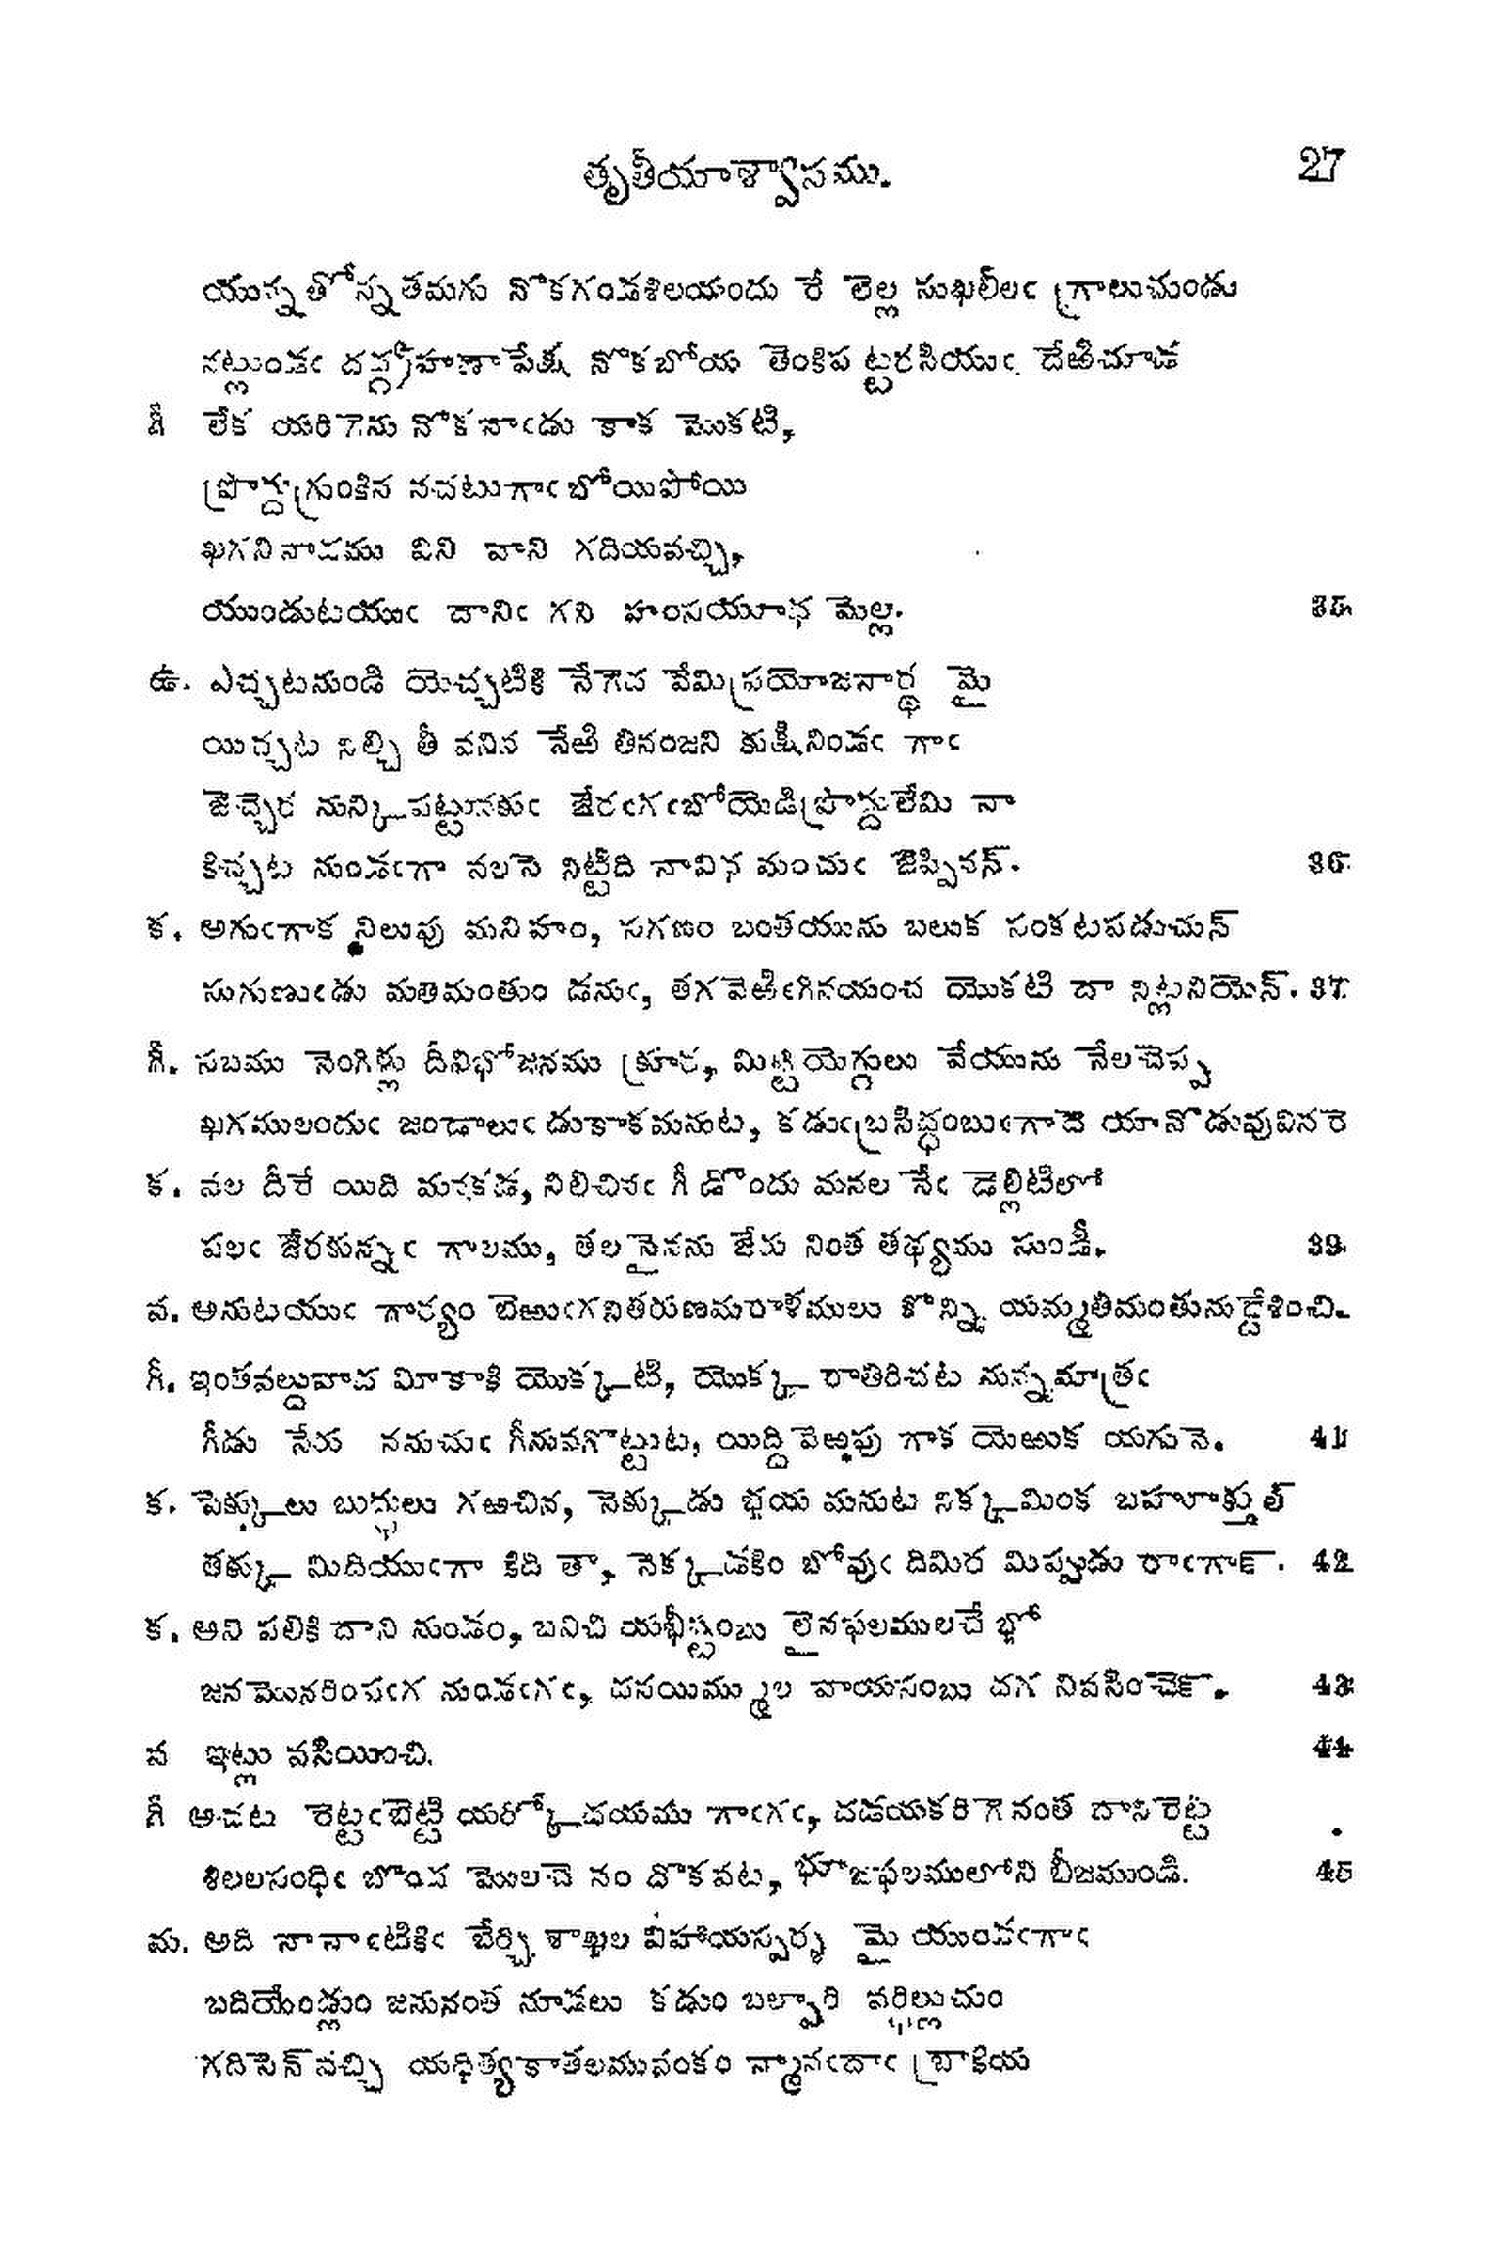యున్నతోన్నతమగు నొకగండశిలయందు రే లెల్ల సుఖలీలఁ గ్రాలుచుండు
 నట్లుండఁ దద్గ్రహణాపేక్ష నొకబోయ తెంకిప ట్టరసియుఁ దేఱిచూడ
గీ. లేక యరిగెను నొకనాఁడు కాక మొకటి,
 ప్రొద్దుగ్రుంకిన నచటుగాఁ బోయిపోయి
 ఖగనినాదము విని వాని గదియవచ్చి
 యుండుటయుఁ దానిఁ గని హంసయూధ మెల్ల.
ఉ. ఎచ్చటనుండి యెచ్చటికి నేగెద వేమి ప్రయోజనార్థ మై
 యిచ్చట నిల్చి తీ వనిన నేఱి తినంజని కుక్షినిండఁ గాఁ
 జెచ్చెర నున్కిపట్టునకుఁ జేరఁగఁబోయెడి ప్రొద్దులేమి నా
 కిచ్చట నుండఁగా వలసె నిట్టిది నావిధ మంచుఁ జెప్పినన్.
క. అగుఁగాక నిలుపు మనిహం, సగణం బంతయును బలుక సంకటపడుచున్
 సుగుణుఁడు మతిమంతుం డనుఁ, తగ వెఱిఁగినయంచ యొకటి దా ని ట్లనియెన్.
గీ. సబము నెంగిళ్లు దీనిభోజనము క్రూర, మిట్టియెగ్గులు వేయును నేల చెప్ప
 ఖగములందుఁ జండాలుఁడు కాక మనుట, కడుఁబ్రసిద్ధంబుఁ గాదె యానొడువు వినరె.
క. వల దీరే యిది మనకడ, నిలిచినఁ గీ డొందు మనల నేఁ డెల్లిటిలో
 పలఁ జేరకున్నఁ గాలము, తలనైనను జేరు నింత తథ్యము సుండీ.
వ. అనుటయుఁ గార్యం బెఱుఁగని తరుణమరాళములు కొన్ని యమ్మతిమంతు నుద్దేశించి.
గీ. ఇంతవల్దువాద మీకాకి యొక్కటి, యొక్కరాతి రిచట నున్నమాత్రఁ
 గీడు సేరు ననుచుఁ గీనువగొట్టుట, యిద్ది వెఱపు గాక యెఱుక యగునె.
క. పెక్కులు బుద్ధులు గఱచిన, నెక్కుడు భయ మనుట నిక్క మింకబహూక్తుల్
 తక్కు మిదియుఁగా కిది తా, నెక్కడకిం బోవుఁ దిమిర మిప్పుడు రాఁగాన్.
క. అని పలికి దాని నుండం, బనిచి యభీష్టంబు లైన ఫలములచే భో
 జన మొనరింపఁగ నుండగ, దనయమ్ముల వాయసంబు దగ నివసించెన్.
వ. ఇట్లు వసియించి.
గీ. అచట రెట్టఁబెట్టి యర్కోదయము గాఁగఁ, దడయకరిగె నంత దానిరెట్ట
 శిలలసంధిఁ బొంద మొలచె నం దొకవట, భూజఫలములోని బీజముండి.
మ. అది నానాఁటికిఁ బేర్చి, శాఖల విహాయస్పర్శ మై యుండఁగాఁ
 బదియేండ్లుం జనునంత నూడలు కడుం బల్పారి వర్ధిల్లుచుం
 గదిసెన్ వచ్చి యధిత్యకాతలమువంకం న్మానఁదాఁ బ్రాకియ